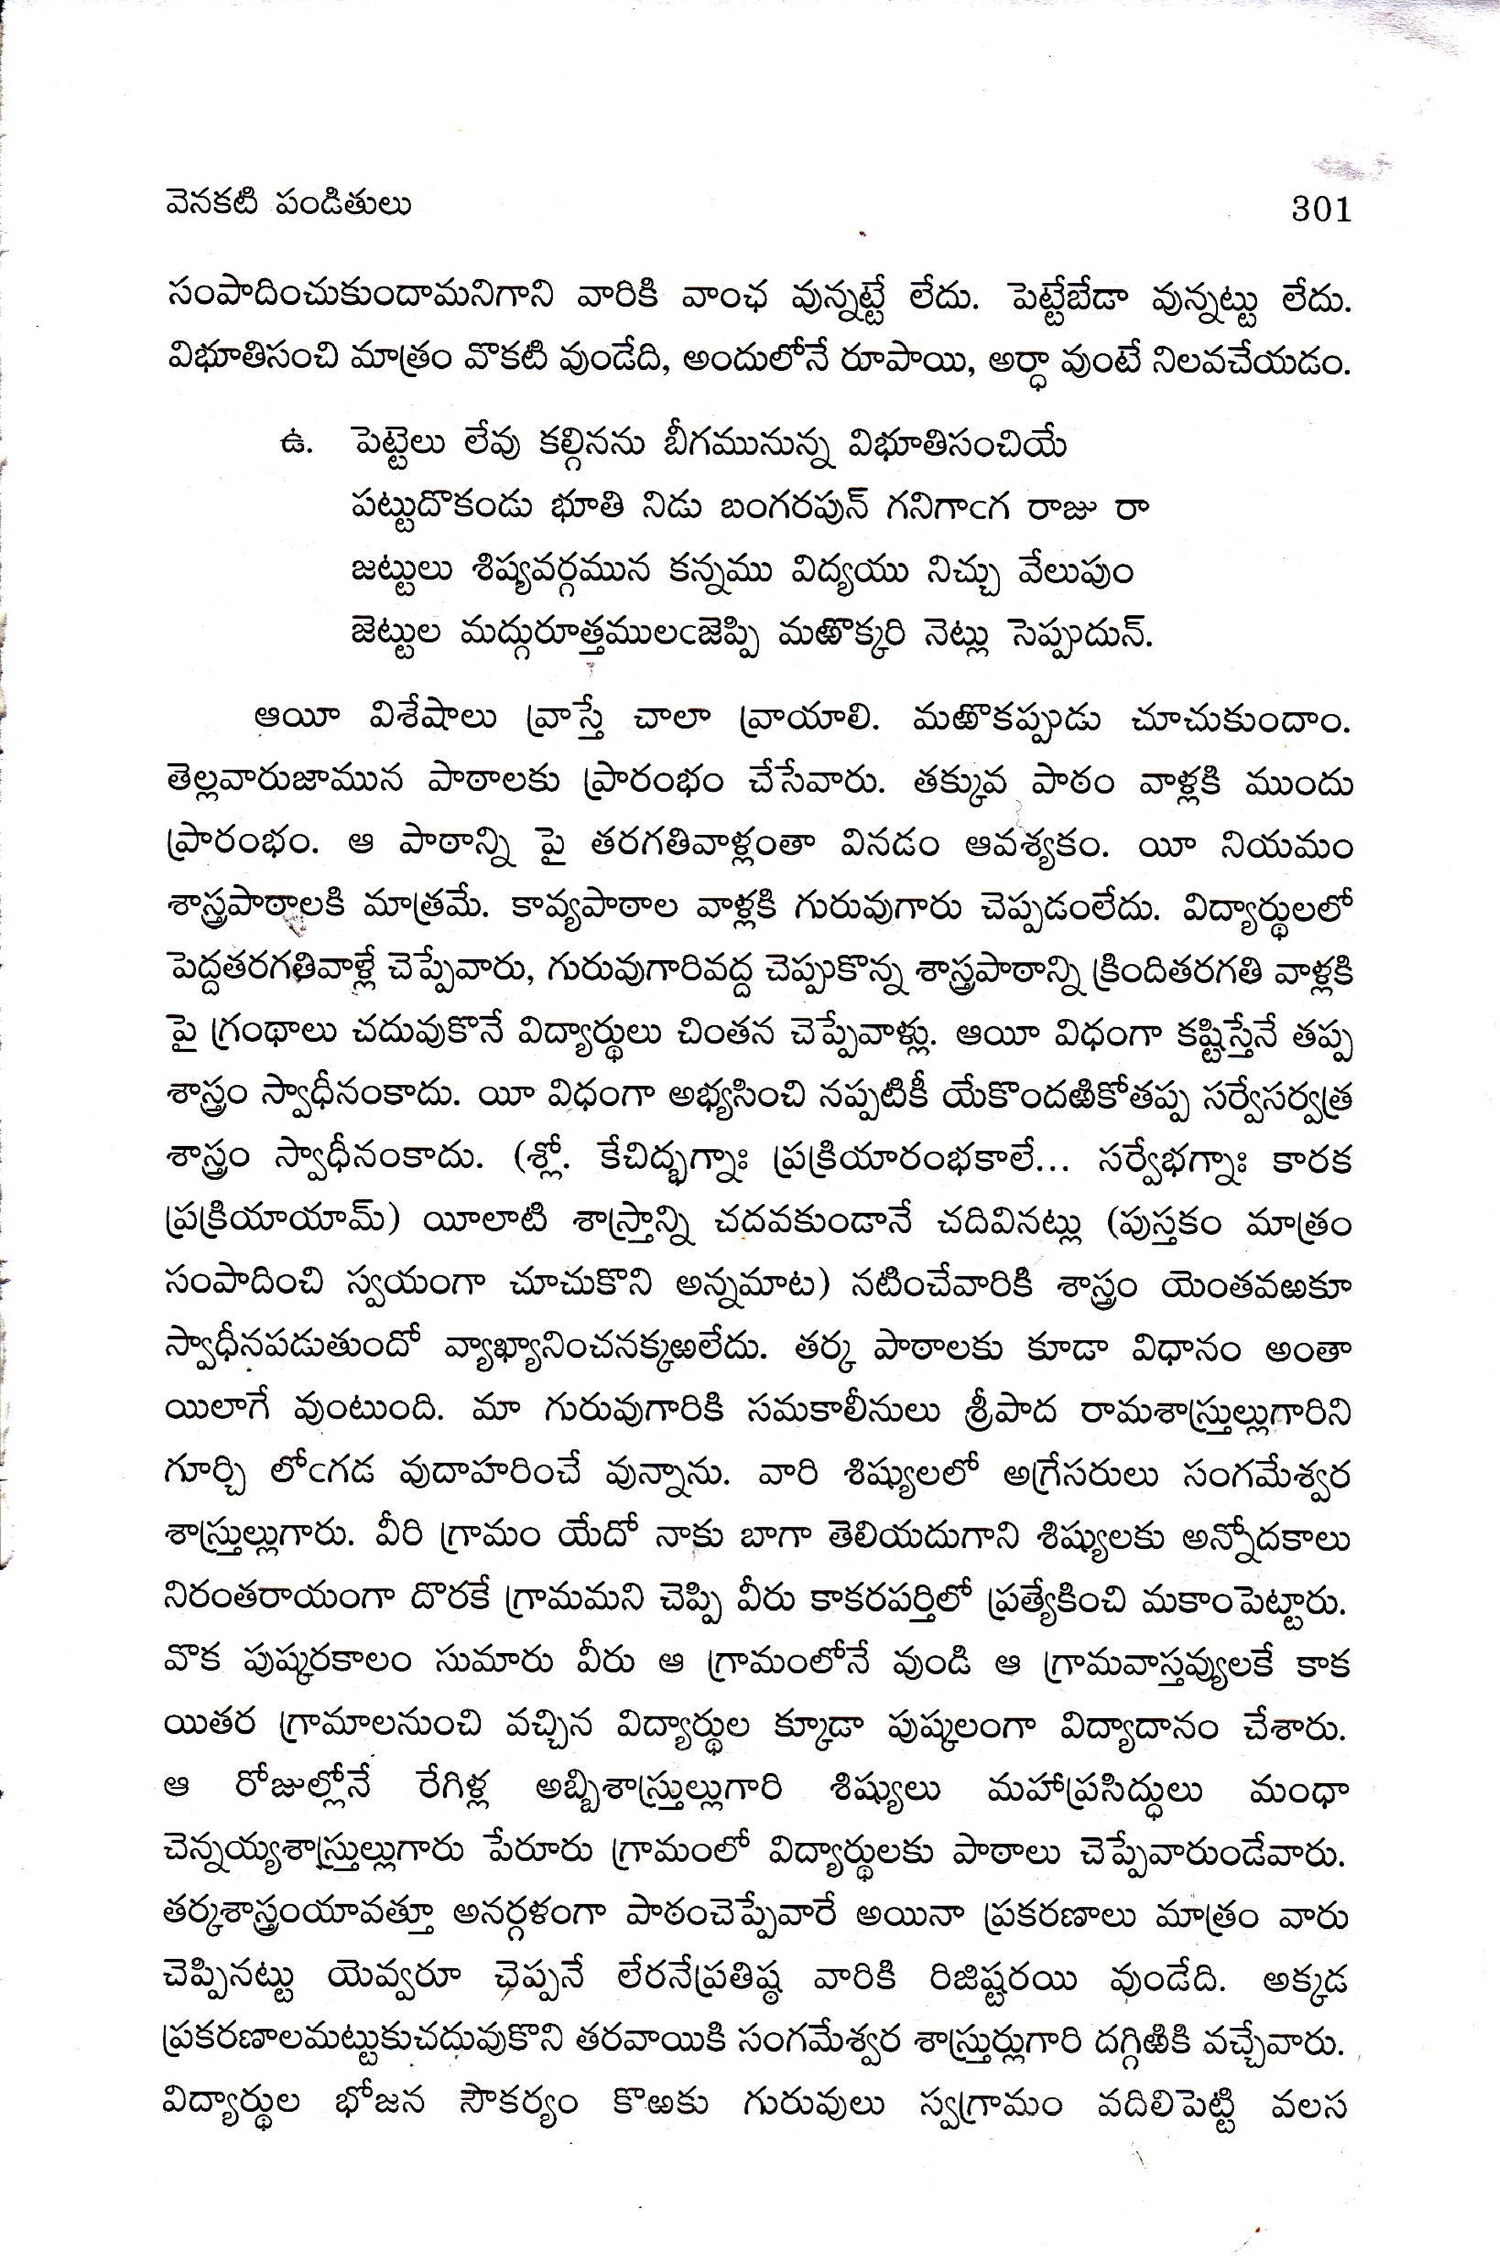సంపాదించుకుందామనిగాని వారికి వాంఛ వున్నట్టే లేదు. పెట్టేబేడా వున్నట్టు లేదు. విభూతిసంచి మాత్రం వొకటి వుండేది, అందులోనే రూపాయి, అర్ధా వుంటే నిలవచేయడం.

ఉ. పెట్టెలు లేవు కల్గినను బీగమునున్న విభూతిసంచియే
 పట్టుదొకండు భూతి నిడు బంగరపున్ గనిగాఁగ రాజు రా 
 జట్టులు శిష్యవర్గమున కన్నము విద్యయు నిచ్చు వేలుపుం 
 జెట్టుల మద్గురూత్తములఁజెప్పి మఱొక్కరి నెట్లు సెప్పుదున్.
ఆయీ విశేషాలు వ్రాస్తే చాలా వ్రాయాలి. మఱొకప్పుడు చూచుకుందాం. తెల్లవారుజామున పాఠాలకు ప్రారంభం చేసేవారు. తక్కువ పాఠం వాళ్లకి ముందు ప్రారంభం. ఆ పాఠాన్ని పై తరగతివాళ్లంతా వినడం ఆవశ్యకం. యీ నియమం శాస్త్రపాఠాలకి మాత్రమే. కావ్యపాఠాల వాళ్లకి గురువుగారు చెప్పడంలేదు. విద్యార్థులలో పెద్దతరగతివాళ్లే చెప్పేవారు, గురువుగారివద్ద చెప్పుకొన్న శాస్త్రపాఠాన్ని క్రిందితరగతి వాళ్లకి పై గ్రంథాలు చదువుకొనే విద్యార్థులు చింతన చెప్పేవాళ్లు. ఆయీ విధంగా కష్టిస్తేనే తప్ప శాస్త్రం స్వాధీనంకాదు. యీ విధంగా అభ్యసించి నప్పటికీ యేకొందఱికోతప్ప సర్వేసర్వత్ర శాస్త్రం స్వాధీనంకాదు. (శ్లో. కేచిద్భగ్నాః ప్రక్రియారంభకాలే... సర్వేభగ్నాః కారక ప్రక్రియాఃయామ్) యీలాటి శాస్త్రాన్ని చదవకుండానే చదివినట్లు (పుస్తకం మాత్రం సంపాదించి స్వయంగా చూచుకొని అన్నమాట) నటించేవారికి శాస్త్రం యెంతవఱకూ స్వాధీనపడుతుందో వ్యాఖ్యానించనక్కఱలేదు. తర్క పాఠాలకు కూడా విధానం అంతా యిలాగే వుంటుంది. మా గురువుగారికి సమకాలీనులు శ్రీపాద రామశాస్త్రుల్లుగారిని గూర్చి లోఁగడ వుదాహరించే వున్నాను. వారి శిష్యులలో అగ్రేసరులు సంగమేశ్వర శాస్త్రుల్లుగారు. వీరి గ్రామం యేదో నాకు బాగా తెలియదుగాని శిష్యులకు అన్నోదకాలు నిరంతరాయంగా దొరకే గ్రామమని చెప్పి వీరు కాకరపర్తిలో ప్రత్యేకించి మకాంపెట్టారు. వొక పుష్కరకాలం సుమారు వీరు ఆ గ్రామంలోనే వుండి ఆ గ్రామవాస్తవ్యులకే కాక యితర గ్రామాలనుంచి వచ్చిన విద్యార్థుల క్కూడా పుష్కలంగా విద్యాదానం చేశారు. ఆ రోజుల్లోనే రేగిళ్ల అబ్భిశాస్త్రుల్లుగారి శిష్యులు మహాప్రసిద్దులు మంధా చెన్నయ్యశాస్త్రుల్లుగారు పేరూరు గ్రామంలో విద్యార్థులకు పాఠాలు చెప్పేవారుండేవారు. తర్కశాస్త్రంయావత్తూ అనర్గళంగా పాఠంచెప్పేవారే అయినా ప్రకరణాలు మాత్రం వారు చెప్పినట్టు యెవ్వరూ చెప్పనే లేరనేప్రతిష్ఠ వారికి రిజిష్టరయి వుండేది. అక్కడ ప్రకరణాలమట్టుకుచదువుకొని తరవాయికి సంగమేశ్వర శాస్త్రుర్లుగారి దగ్గిఱికి వచ్చేవారు. విద్యార్థుల భోజన సౌకర్యం కొఱకు గురువులు స్వగ్రామం వదిలిపెట్టి వలస